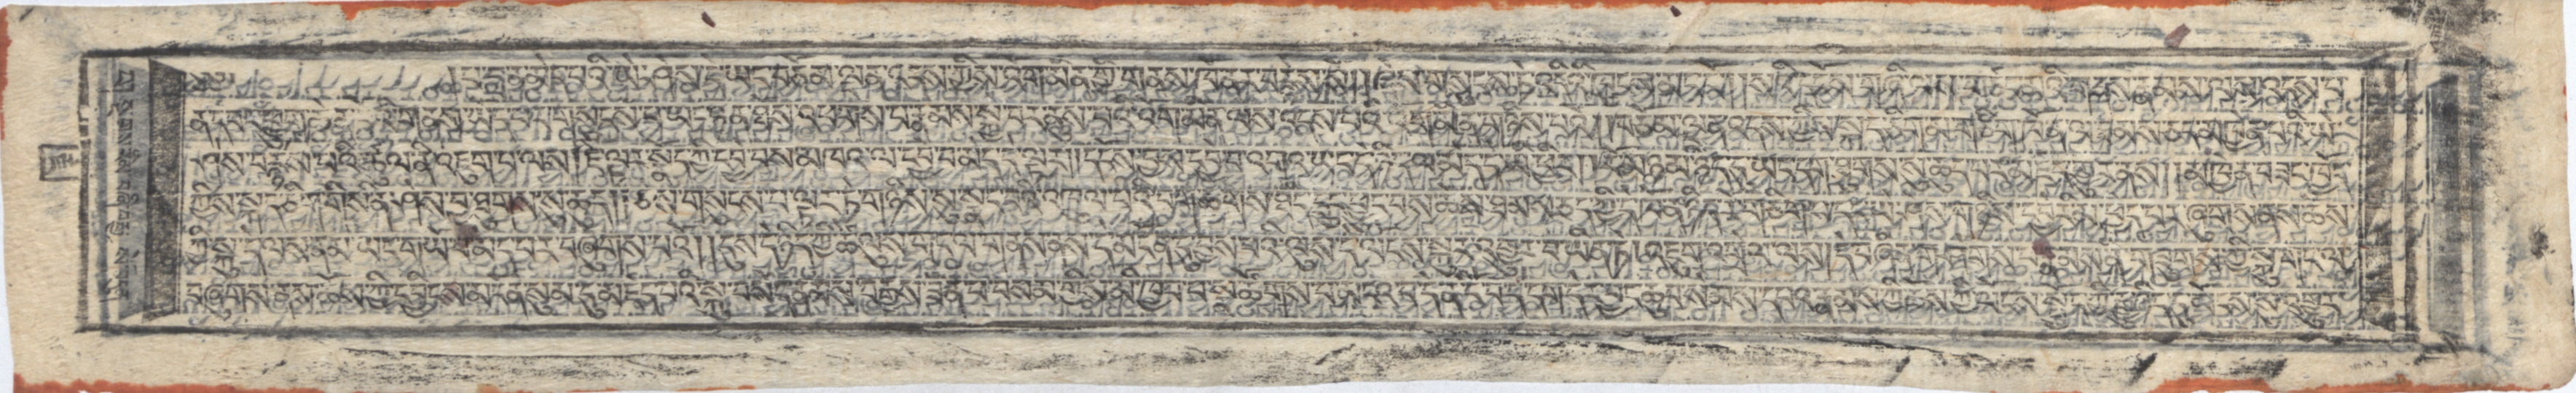༄༅། །པ་བླ་ན་མེད་པའི་ཡེ་ཤེས་དེ་ཡང་བཅོམ་ལྡན་འདས་ཀྱིས་འོག་མིན་གྱི་གནས་ཁོ་ནར་བརྙེས་སོ། །ཞེས་གསུངས་ཏེ་འདིའི་ཁུངས་མང་ངོ། །སའི་དངོས་གཞི་ལས་གཙང་མའི་གནས་རྣམས་ལས་འདས་པ་
ན་དབང་ཕྱུག་ཆེན་པོའི་གནས་ཡོད་པར་གསུངས་པ་ཡང་ཉན་ཐོས་འཕགས་པ་རྣམས་སྐྱེ་བར་ནུས་པའི་འོག་མིན་ལས་འདས་པའི་འོག་མིན་གཉིས་པའོ། །བཅོམ་ལྡན་འདས་ཀྱིས་སྐད་ཅིག་མ་གཅིག་ཁོ་ན་ལ་ཐམས་ཅད་མཁྱེན་པའི་ཡེ་
ཤེས་བརྙེས་པའི་ཚུལ་ནི་འཇུག་པ་ལས། ཇི་ལྟར་སྣོད་ཀྱི་དབྱེ་བས་མཁའ་ལ་དབྱེ་བ་མེད་དེ་ལྟར། །དངོས་བྱས་དབྱེ་བ་འགའ་ཡང་དེ་ཉིད་ལ་མེད་དེ་ཡི་ཕྱིར། །རོ་མཉམ་ཉིད་དུ་ཡང་དག་ཐུགས་སུ་ཆུད་པར་མཛད་གྱུར་ནས། །མཁྱེན་བཟང་ཁྱོད་
ཀྱིས་སྐད་ཅིག་གིས་ནི་ཤེས་བྱ་ཐུགས་སུ་ཆུད། །ཅེས་གསུངས་པ་ལྟར་ཏེ་གཉིས་སུ་སྣང་བའི་འཁྲུལ་པའི་བག་ཆགས་ཐམས་ཅད་དྲུང་ཕྱུང་བས་ཆོས་ཐམས་ཅད་ཀྱི་དེ་ཁོ་ན་ཉིད་རོ་གཅིག་པ་དང་ཡེ་ཤེས་གཉིས་དབྱེར་མི་ཕྱེད་པར་ཞུགས་ནས་ཆོས་
ཀྱི་སྐུ་དེ་ལས་ནམ་ཡང་གཡོ་བ་མེད་པར་བཞུགས་པའོ། །དུས་དེ་ཉིད་ཀྱི་ཚེ་ལུས་གང་ལ་གནས་ནས་དེ་མངོན་དུ་བྱས་པའི་ལུས་དེ་ལོངས་སྐུར་འགྱུར་བ་ཡིན་ཏེ། འཇུག་འགྲེལ་ལས། དེ་བཞིན་གཤེགས་པ་རྣམས་ནི་གཟུགས་ཀྱི་སྐུ་གང་ལ་
བཞུགས་ནས་ཆོས་ཀྱི་དབྱིངས་མངོན་སུམ་དུ་མཛད་པའི་སྐུ་བསོད་ནམས་བརྒྱས་ཟིན་པ་བསམ་གྱིས་མི་ཁྱབ་པ་སྣ་ཚོགས་པ་མངའ་བ་དེ་ནི་ངོ་བོ་དེ་དག་དེར་བྱང་ཆུབ་སེམས་དཔའ་རྣམས་ཀྱི་ཆོས་ཀྱི་ལོངས་སྤྱོད་ཀྱི་རྒྱུ་ཉིད་དུ་ཡོངས་སུ་འགྱུར་